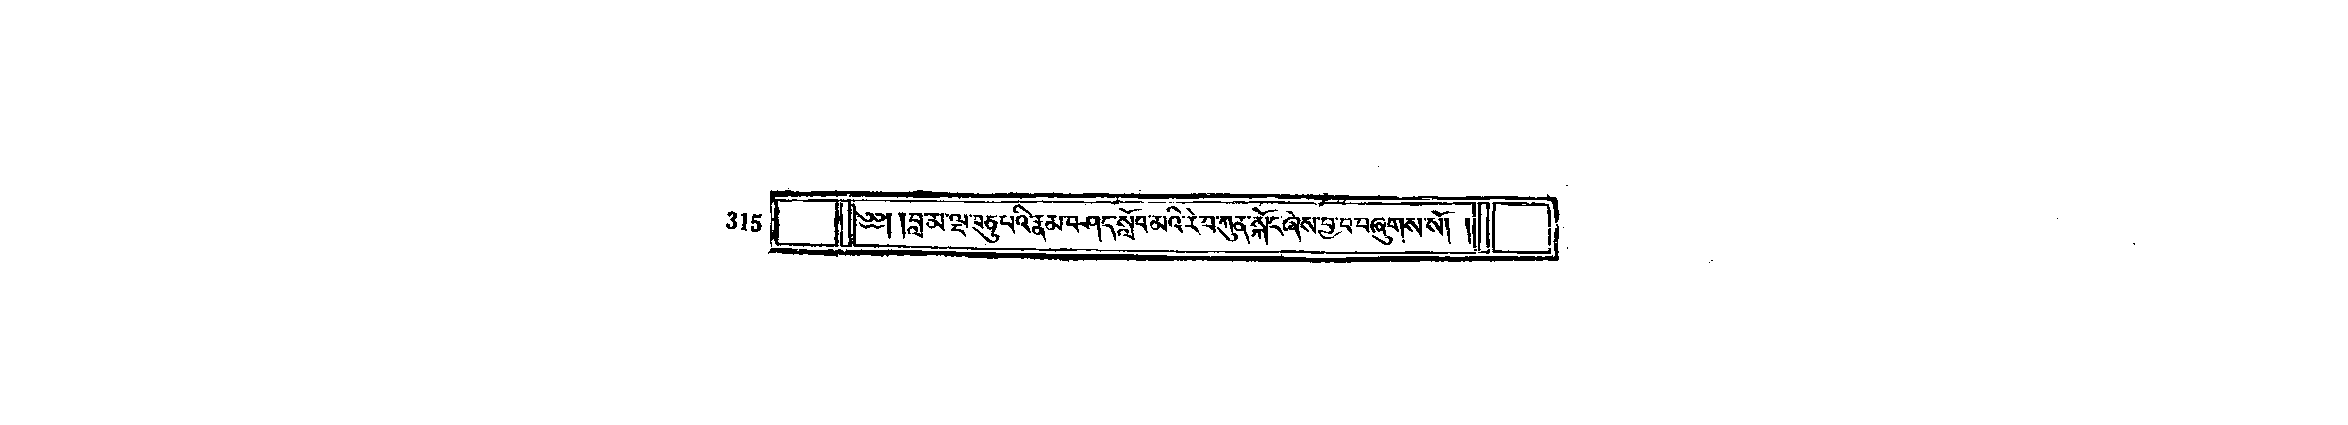།བླ་མ་ལྔ་བཅུ་པའི་རྣམ་བཤད་སློབ་མའི་རེ་བ་ཀུན་སྐོང་ཞེས་བྱ་བ་བཞུགས་སོ། །